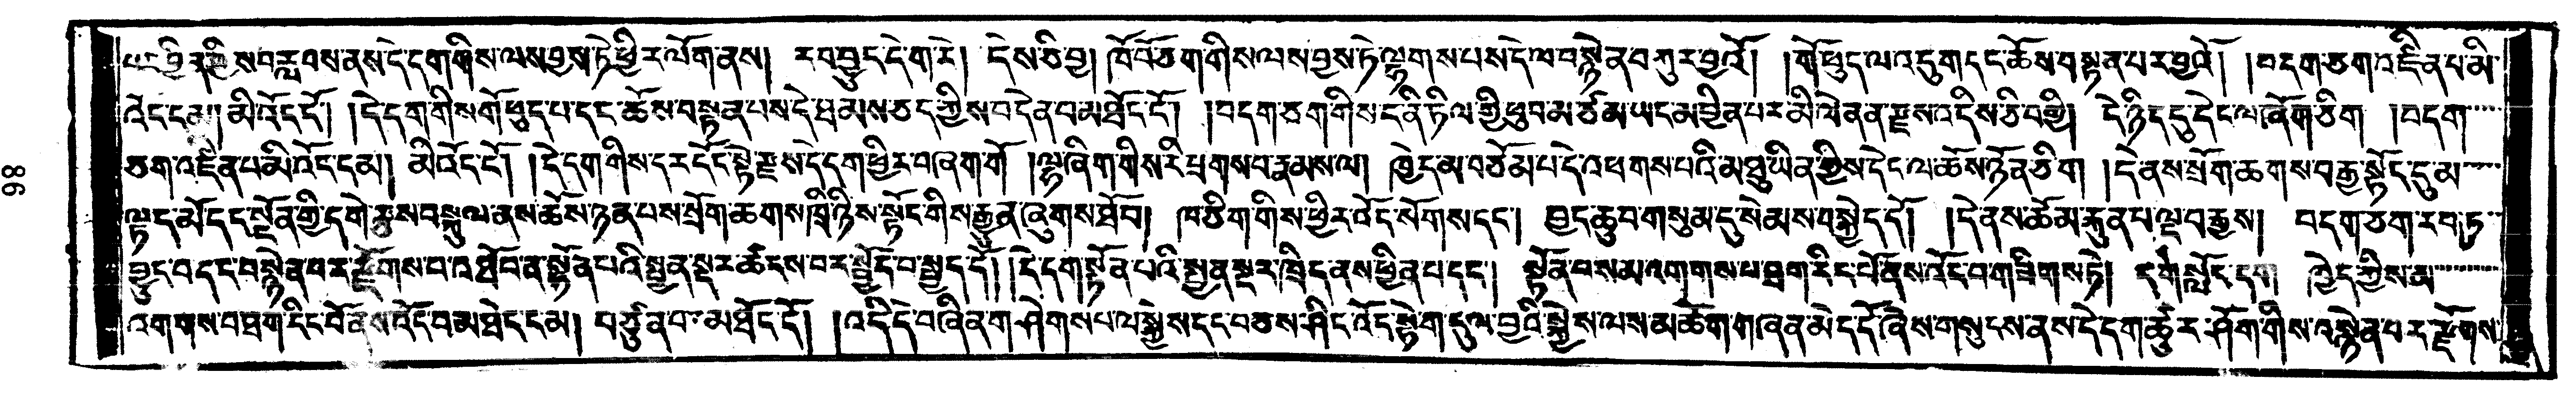པར་བྱིན་གྱིས་བརླབས་ནས་དེ་དག་གིས་ལས་བྱས་ཏེ་ཕྱིར་ལོག་ནས། རབ་བྱུང་དེ་ག་རེ། དེས་ཅི་བྱ། ཁོ་བོ་ཅག་གིས་ལས་བྱས་ཏེ་ལྷགས་པས་དེ་ལ་བསྙེན་བཀུར་བྱའོ། །གོ་ཕུད་ལ་འདུག་དང་ཆོས་བསྟན་པར་བྱའོ། །བདག་ཅག་འཛིན་པ་མི་
འོང་ངམ། མི་འོང་ངོ། །དེ་དག་གིས་གོ་ཕུད་པ་དང་ཆོས་བསྟན་པས་དེ་ཐམས་ཅད་ཀྱིས་བདེན་པ་མཐོང་ངོ། །བདག་ཅག་གིས་ང་ནི་ཏིལ་གྱི་ཕུབ་མ་ཙམ་ཡང་མ་བྱིན་པར་མི་ལེན་ན་རྫས་འདིས་ཅི་བགྱི། དེ་ཉིད་དུ་དེང་ལ་ཞོག་ཅིག །བདག་
ཅག་འཛིན་པ་མི་འོང་ངམ། མི་འོང་ངོ། །དེ་དག་གིས་དར་དོང་སྟེ་རྫས་དེ་དག་ཕྱིར་བཞག་གོ །ལྷ་ཞིག་གིས་རི་པྲགས་པ་རྣམས་ལ། ཁྱེད་མ་བཅོམ་པ་དེ་འཕགས་པའི་མཐུ་ཡིན་གྱིས་དེང་ལ་ཆོས་ཉོན་ཅིག །དེ་ནས་སྲོག་ཆགས་བརྒྱ་སྟོང་དུ་མ་
ལྟད་མོ་དང་སྔོན་གྱི་དགེ་རྩས་བསྐུལ་ནས་ཆོས་ཉན་པས་སྲོག་ཆགས་ཁྲི་ཉིས་སྟོང་གིས་རྒྱུན་ཞུགས་ཐོབ། ཁ་ཅིག་གིས་ཕྱིར་འོད་སོགས་དང་། བྱང་ཆུབ་གསུམ་དུ་སེམས་བསྐྱེད་དོ། །དེ་ནས་ཆོམ་རྐུན་པ་ལྔ་བརྒྱས། བདག་ཅག་རབ་ཏུ་
བྱུང་བ་དང་བསྙེན་བར་རྫོགས་བ་འཐོབ་ན་སྟོན་པའི་སྤྱན་སྔར་ཚངས་བར་བ་སྤྱད་དོ། །དེ་དག་སྟོན་པའི་སྤྱན་སྔར་ཁྲིད་ནས་ཕྱིན་པ་དང་། སྟོན་བས་མ་བགགས་པ་ཐག་རིང་པོ་ནས་འོང་བ་གཟིགས་ཏེ། དགེ་སློང་དག༑ ཁྱེད་ཀྱིས་མ་
འགགས་བ་ཐག་རིང་བོ་ནས་འོང་བ་མཐེང་ངམ། བཙུན་པ༑ མཐོད་དོ། །འདི་དེ་བཞིན་གཤེགས་པ་ལ་སྐྱེས་དང་བཅས་ཤིང་འོང་སྟེ་གདུལ་བྱའི་སྐྱེས་ལས་མཆོག་གཞན་མེད་དོ་ཞེས་གསུངས་ནས་དེ་དག་ཚུར་ཤོག་གིས་བསྙེན་པར་རྫོགས་